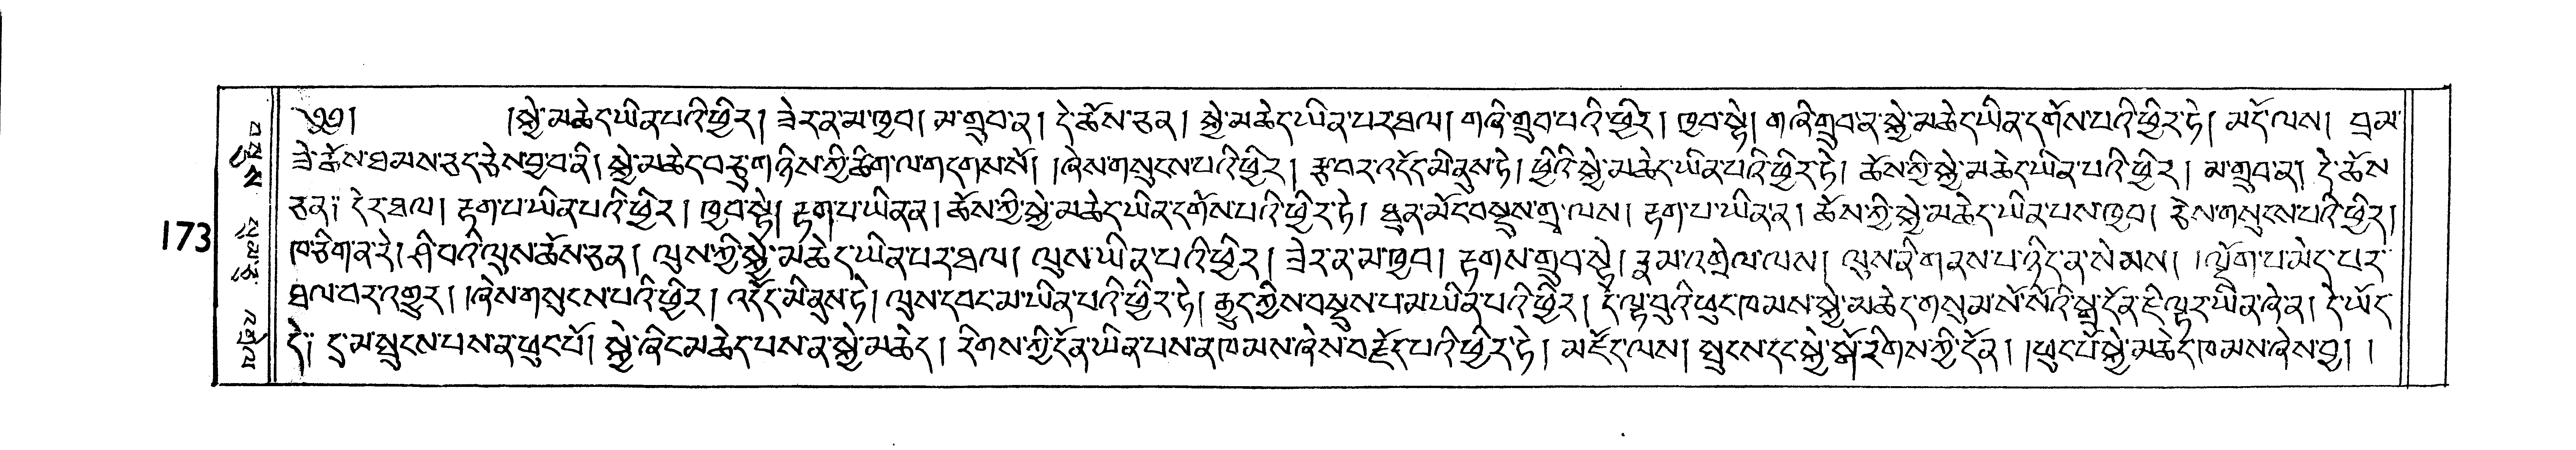༄༅། །སྐྱེ་མཆེད་ཡིན་པའི་ཕྱིར། ཟེར་ན་མ་ཁྱབ། མ་གྲུབ་ན། དེ་ཆོས་ཅན། སྐྱེ་མཆེད་ཡིན་པར་ཐལ། གཞི་གྲུབ་པའི་ཕྱིར། ཁྱབ་སྟེ། གཞི་གྲུབ་ན་སྐྱེ་མཆེད་ཡིན་དགོས་པའི་ཕྱིར་ཏེ། མདོ་ལས། བྲམ་
ཟེ་ཆོས་ཐམས་ཅད་ཅེས་བྱ་བ་ནི། སྐྱེ་མཆེད་བཅུ་གཉིས་ཀྱི་ཚིག་ལ་གདགས་སོ། །ཞེས་གསུངས་པའི་ཕྱིར། རྩ་བར་འདོད་མི་ནུས་ཏེ། ཕྱིའི་སྐྱེ་མཆེད་ཡིན་པའི་ཕྱིར་ཏེ། ཆོས་ཀྱི་སྐྱེ་མཆེད་ཡིན་པའི་ཕྱིར། མ་གྲུབ་ན། དེ་ཆོས་
ཅན༑ དེར་ཐལ། རྟག་པ་ཡིན་པའི་ཕྱིར། ཁྱབ་སྟེ། རྟག་པ་ཡིན་ན། ཆོས་ཀྱི་སྐྱེ་མཆེད་ཡིན་དགོས་པའི་ཕྱིར་ཏེ། ཐུན་མོང་བསྡུས་གྲྭ་ལས། རྟག་པ་ཡིན་ན། ཆོས་ཀྱི་སྐྱེ་མཆེད་ཡིན་པས་ཁྱབ། ཅེས་གསུངས་པའི་ཕྱིར།
ཁ་ཅིག་ན་རེ། ཤི་བའི་ལུས་ཆོས་ཅན། ལུས་ཀྱི་སྐྱེ་མཆེད་ཡིན་པར་ཐལ། ལུས་ཡིན་པའི་ཕྱིར། ཟེར་ན་མ་ཁྱབ། རྟགས་གྲུབ་སྟེ། རྣམ་འགྲེལ་ལས། ལུས་ནི་གནས་པ་ཉིད་ན་སེམས། །ལྡོག་པ་མེད་པར་
ཐལ་བར་འགྱུར། །ཞེས་གསུངས་པའི་ཕྱིར། འདོད་མི་ནུས་ཏེ། ལུས་དབང་མ་ཡིན་པའི་ཕྱིར་ཏེ། རྒྱུད་ཀྱིས་བསྡུས་པ་མ་ཡིན་པའི་ཕྱིར། དེ་ལྟ་བུའི་ཕུང་ཁམས་སྐྱེ་མཆེད་གསུམ་སོ་སོའི་སྒྲ་དོན་ཇི་ལྟར་ཡིན་ཞེ་ན། དེ་ཡོད་
དེ༑ དུ་མ་སྤུངས་པས་ན་ཕུང་པོ། སྐྱེ་ཞིང་མཆེད་པས་ན་སྐྱེ་མཆེད། རིགས་ཀྱི་དོན་ཡིན་པས་ན་ཁམས་ཞེས་བརྗོད་པའི་ཕྱིར་ཏེ། མཛོད་ལས། སྤུངས་དང་སྐྱེ་སྒོ་རིགས་ཀྱི་དོན། །ཕུང་པོ་སྐྱེ་མཆེད་ཁམས་ཞེས་བྱ། །